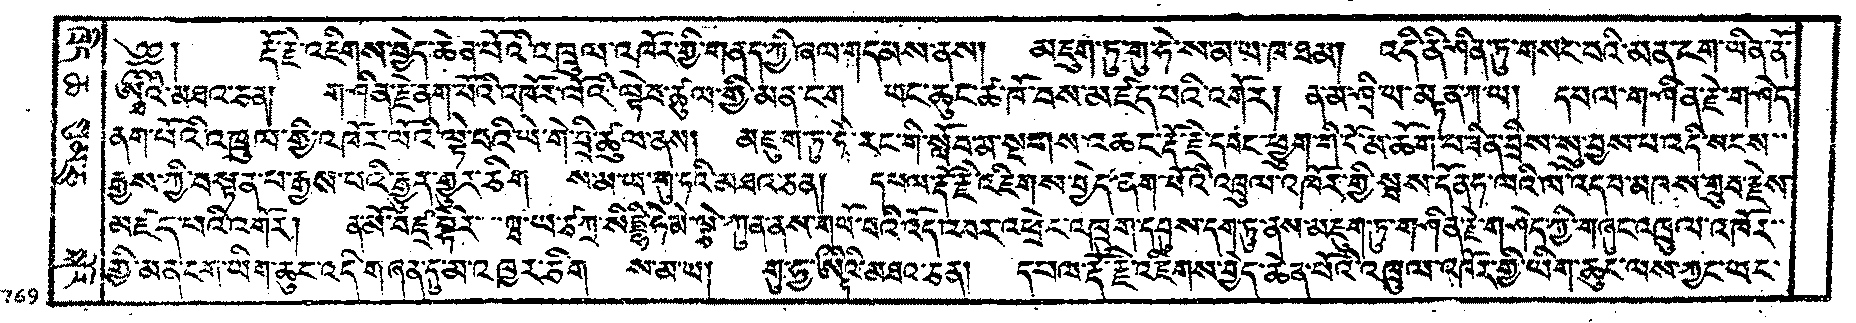༄༅། །རྡོ་རྗེ་འཇིགས་བྱེད་ཆེན་པོའི་འཁྲུལ་འཁོར་གྱི་གནད་ཀྱི་ཞལ་གདམས་ནས། མཇུག་ཏུ་གུ་ཧེ་ས་མ་ཡ་ཁ་ཐམ། འདི་ནི་ཤིན་ཏུ་གསང་བའི་མན་ངག་ཡིན་ནོ་
ཨྀཐིའི་མཐའ་ཅན། གཤིན་རྗེ་ནག་པོའི་འཁོར་ལོའི་ལྟེབ་ཚུལ་གྱི་མན་ངག་ཡང་ཆུང་ཚ་ཁོ་བས་མཛད་པའི་འགོར། ན་མ་ཤྲི་ཡ་མནྟ་ཀ་ཡ། དཔལ་གཤིན་རྗེ་གཤེད་
ནག་པོའི་འཁྲུལ་གྱི་འཁོར་ལོའི་ལྟེ་བའི་ཡེ་གེ་བྲི་ཚུལ་ནས། མཇུག་ཏུ་ཧཻ་རང་གི་སློབ་མ་སྔགས་འཆང་རྡོ་རྗེ་དབང་ཕྱུག་གི་ངོ་མཆོག་པ་ཟིན་བྲིས་སུ་བྱས་པ་འདི་སངས་
རྒྱས་ཀྱི་བསྟན་པ་རྒྱས་པའི་རྒྱུད་གྱུར་ཅིག་ས་མ་ཡ་གུ་ཧའི་མཐའ་ཅན། དཔལ་རྡོ་རྗེ་འཇིགས་བྱེད་ནག་པོའི་འཁྲུལ་འཁོར་གྱི་སྦས་དོན་ཧ་ལའི་ལོ་འདབ་མཁས་གྲུབ་རྗེས་
མཛད་པའི་འགོར། ན་མོ་བཛྲ་བྷེརེ་ཝ་ཡ་ཙཀྲ་སིདྡྷི་ཧེ་མེ་ལྕེ་ཀུན་ནས་གཡོ་བའི་འོད་འབར་འཕྲེང་འཁྲུག་དབུས་དག་ཏུ་ནས་མཇུག་ཏུ་གཤིན་རྗེ་གཤེད་ཀྱི་གཞུང་འཁྲུལ་འཁོར་
གྱི་མན་ངག་ཡིག་ཆུང་འདི་གཞན་དུ་མ་འཁྱར་ཅིག་ས་མ་ཡ། གུ་ཧྱ་ཨྀཏིའི་མཐའ་ཅན། དཔལ་རྡོ་རྗེ་འཇིགས་བྱེད་ཆེན་པོའི་འཁྲུལ་འཁོར་གྱི་ཡིག་ཆུང་ལས་ཀྱང་ཡང་